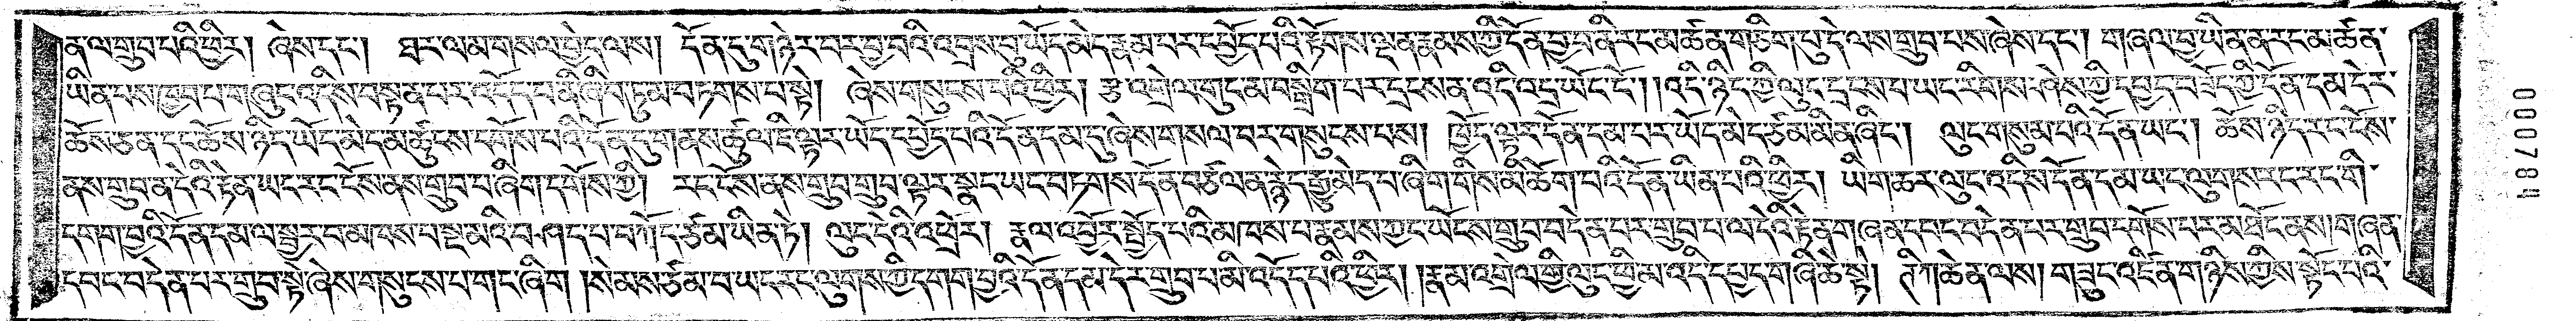ན་ལ་གྲུབ་པའི་ཕྱིར། ཞེས་དང་། ཐར་ལམ་གསལ་བྱེད་ལས། དོན་དུ་གཉེར་བར་བྱ་བའི་འབྲས་བུ་ཡོད་མེད་རྣམ་པར་དཔྱོད་པའི་རྟོགས་ལྡན་རྣམས་ཀྱི་དོན་བྱ་བ་ནི་རང་མཚན་གཅིག་པུ་དེ་ལས་གྲུབ་པས་ཞེས་དང་། གཞལ་བྱ་ཡིན་ན་རང་མཚན་
ཡིན་པས་ཁྱབ་པ་གཞུང་འདིས་བསྟན་པར་འདོད་པ་ནི་ཞིབ་ཏུ་མ་བཏགས་པ་སྟེ། ཞེས་གསུངས་པའི་ཕྱིར། རྩ་འགྲེལ་གུང་མ་བསྒྲིག་པར་དྲངས་ན་འདི་འདྲ་ཡོང་ངོ། །འདི་ཉིད་ཀྱི་ལུང་དྲངས་པ་ཡང་རིགས་ཤེས་ཀྱི་དཔྱད་བཟོད་ཀྱི་དོན་དམ་དེར་
ཆོས་ཅན་དང་ཆོས་ཉིད་ཡོད་མེད་མཚུངས་དགོས་པའི་དོན་དུ་གནས་ཚུལ་ཇི་ལྟར་ཡོད་དཔྱོད་པའི་དོན་དམ་དུ་ཞེས་གསལ་བར་གསུངས་པས། ཁྱོད་ལྟར་དོན་དམ་པར་ཡོད་མེད་ཙམ་མིན་ཞིང་། ལུང་གསུམ་པའི་དོན་ཡང་། ཆོས་ཉིད་རང་ངོས་
ནས་གྲུབ་ན་དེའི་རྟེན་ཡང་རང་ངོས་ནས་གྲུབ་པ་ཞིག་དགོས་ཀྱི། རང་ངོས་ནས་གྲུབ་གྲུབ་ལྟར་སྣང་ཡང་བཏགས་དོན་བཙལ་ན་རྙེད་རྒྱུ་མེད་པ་ཞིག་གིས་མི་ཆོག་པའི་དོན་ཡིན་པའི་ཕྱིར། ཡིག་ཆར་ལུང་འདིས་དོན་དམ་ཡང་ལུགས་རང་རང་གི་
དགག་བྱའི་དོན་དམ་ལ་སྦྱར་བ་མཁས་པ་སྔ་མའི་བཤད་པ་བཀོད་ཙམ་ཡིན་ཏེ། ལུང་དེའི་འཕྲོར། རྣལ་འབྱོར་སྤྱོད་པའི་མཁས་པ་རྣམས་ཀྱང་ཡོངས་གྲུབ་བདེན་པར་གྲུབ་པ་ལ་དེའི་རྟེན་གཞན་དབང་བདེན་པར་གྲུབ་དགོས་པར་མཐོང་ནས། གཞན་
དབང་བདེན་པར་གྲུབ་སྟེ་ཞེས་གསུངས་པ་གང་ཞིག །སེམས་ཙམ་པ་ཡང་རང་ལུགས་ཀྱི་དགག་བྱའི་དོན་དམ་དེར་གྲུབ་པ་མི་འདོད་པའི་ཕྱིར། །རྣམ་འགྲེལ་གྱི་ལུང་ཕྱི་མ་འདི་དཔྱད་གཞི་ཆེ་སྟེ། ཊིཀ་ཆེན་ལས། གཟུང་འཛིན་གཉིས་ཀྱིས་སྟོང་པའི་